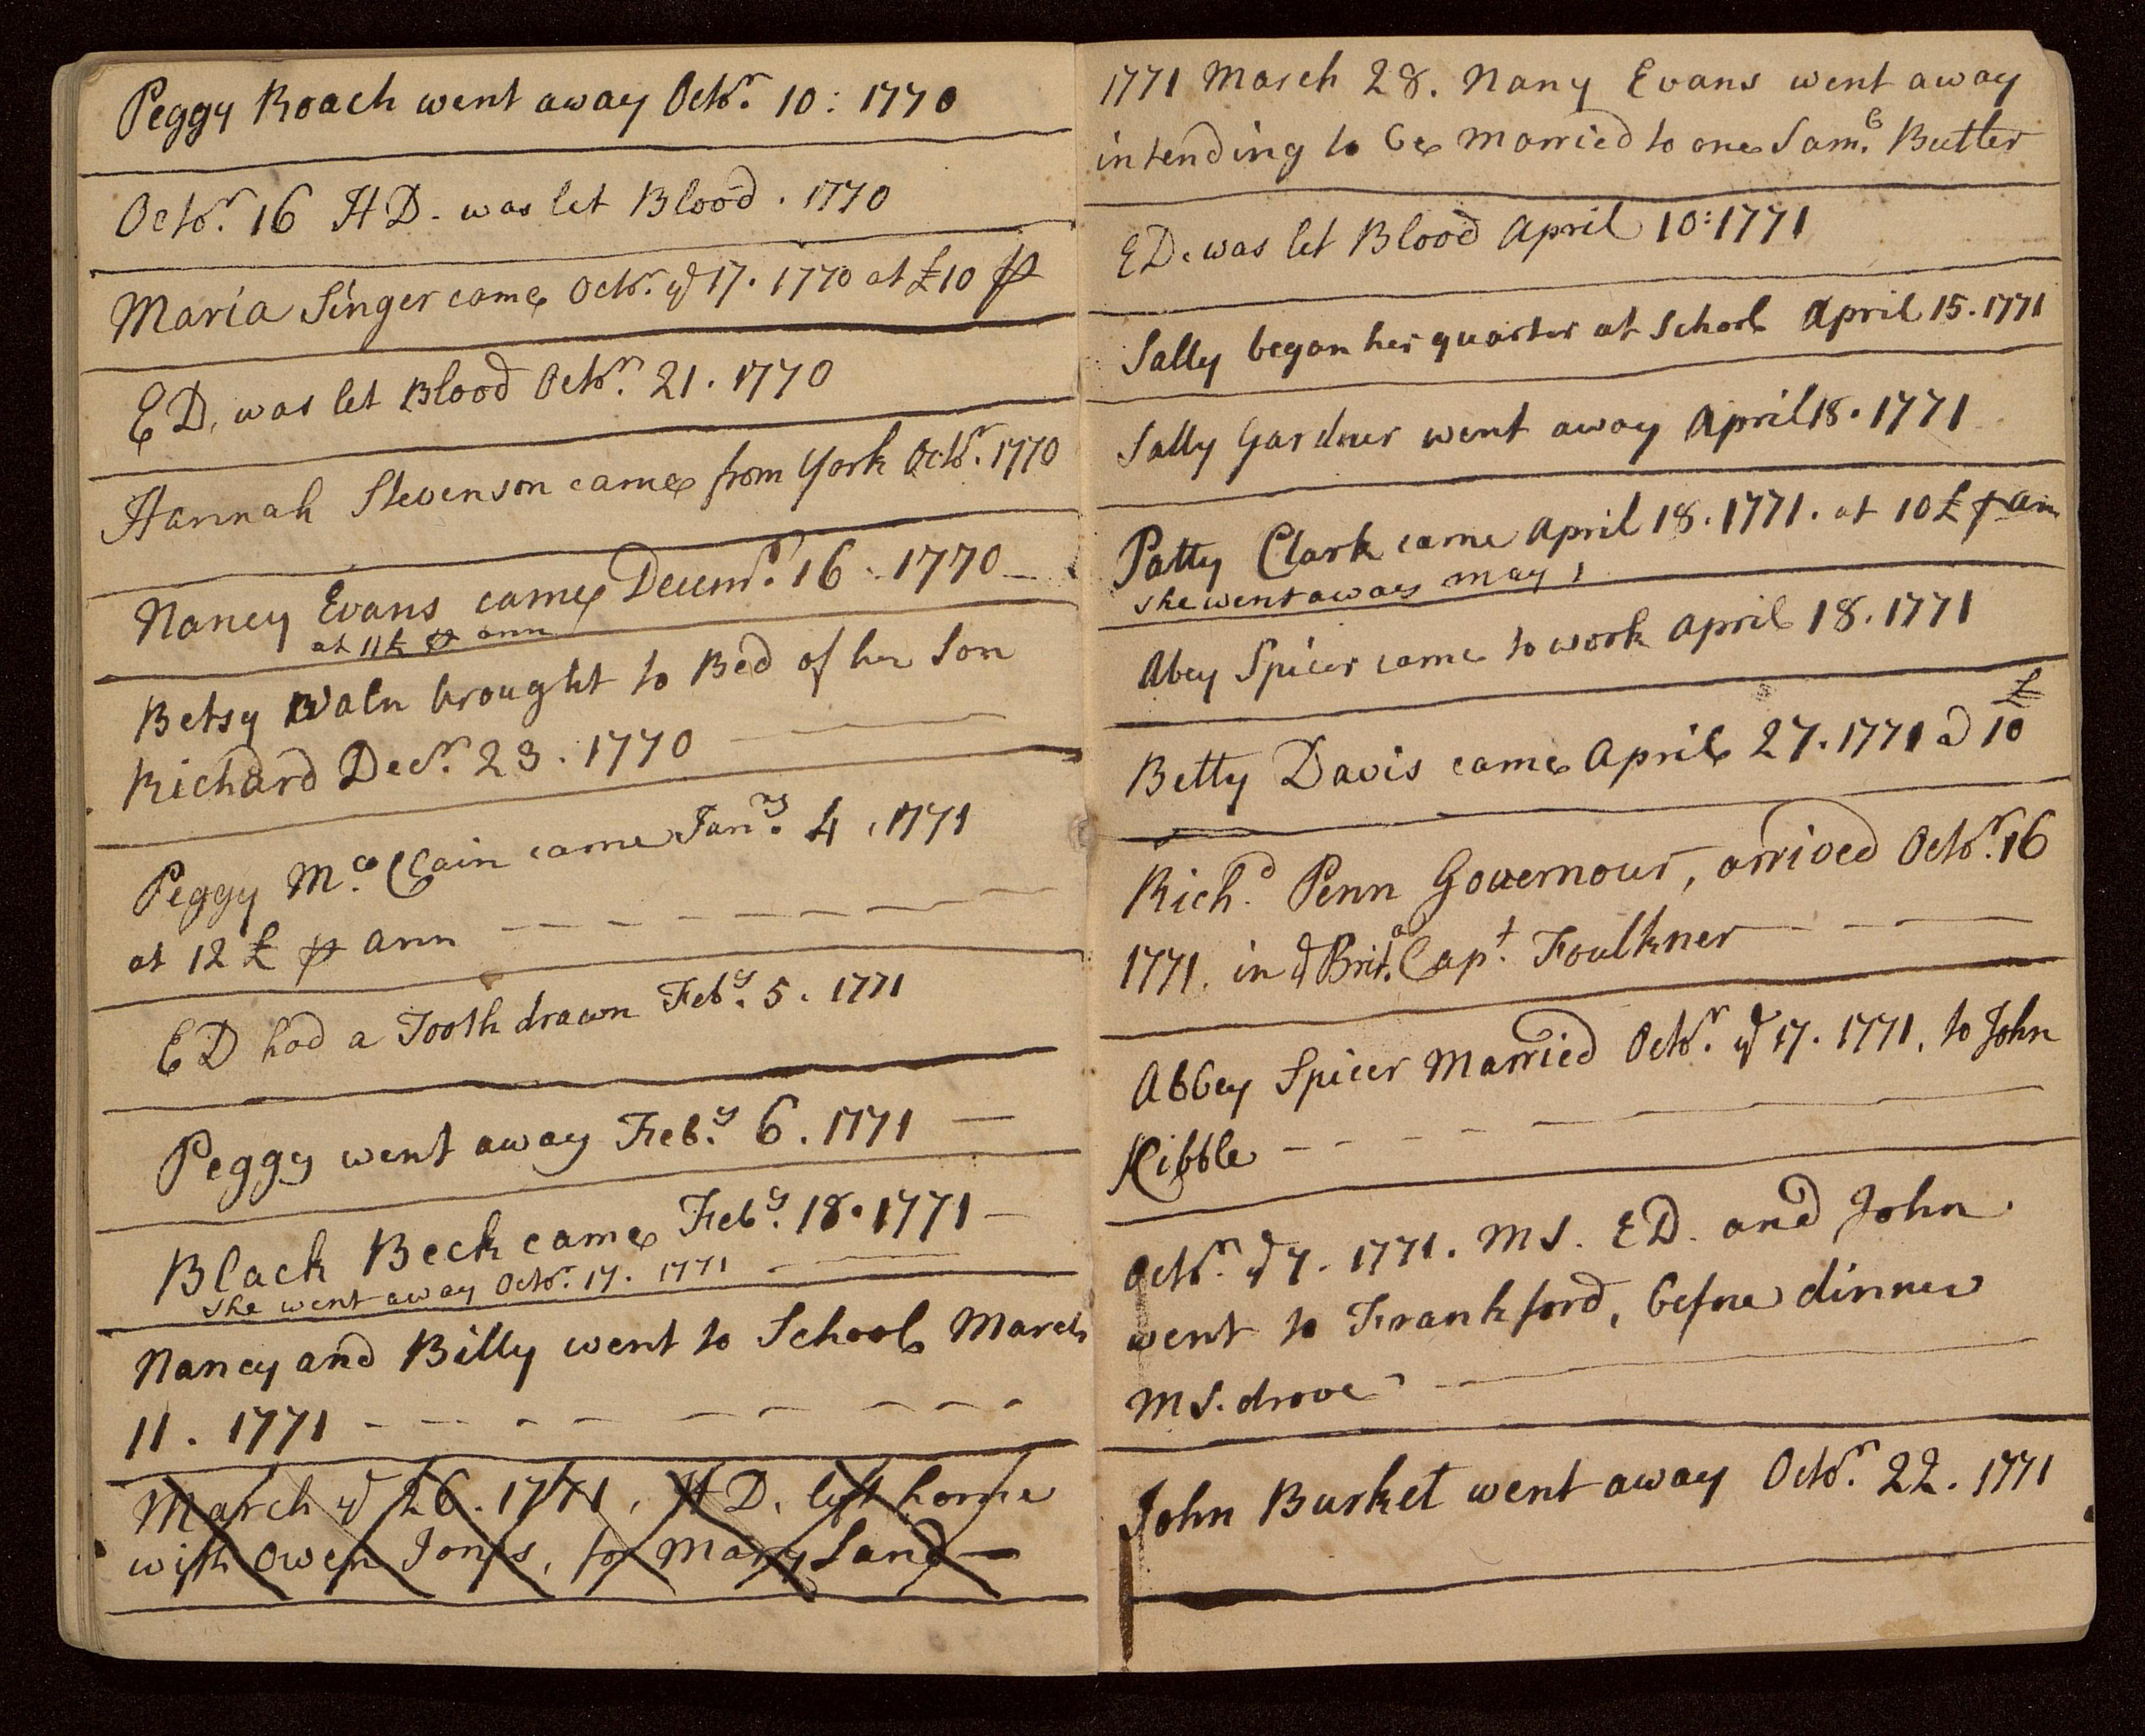Peggy Roach went away Octo^r. 10: 1770
Octo^r. 16 HD. was let Blood. 1770
Maria Singer came Octo^r. y^e 17. 1770 at 10 sterlings per
ED. was let Blood Octo^r. 21.1770
Hannah Stevenson came from York Octo^r. 1770
Nancy Evans came Decem^r. 16.1770 -
at 11 sterlings per ann
Betsy Waln brought to Bed of her Son
Richard Dec^r. 23.1770
Peggy M^c Clain came Jan^y. 4, 1771
at 12 sterlings per ann
ED had a Tooth drawn Feb^y. 5. 1771
Peggy went away Feb^y. 6. 1771
Black Beck came Feb^y. 18. 1771
she went away Octo^r. 17. 1771
Nancy and Billy went to School March
11. 1771
March y^e 26. 1771. HD. left home
with Owen Jones, for Mary Land-
1771 March 28. Nany Evans went away
intending to be married to one Sam^l. Butler
ED. was let Blood April 10:1771
Sally began her quarter at School April 15.1771
Sally Gardner went away April 18.1771
Patty Clark came April 18.1771. at 10 sterlings per Ann
she went away May 1
Abey Spicer came to work April 18.1771
Betty Davis came April 27.1771 [at] 10 sterlings
Rich^d. Penn Governour, arrived Octo^r. 16
1771. in Brit^a. Cap^t. Foulkner
Abbey Spicer Married Octo^r. y^e 17. 1771. to John
Kibble
Octo^r. y^e 7. 1771. MS. ED. and John
went to Frankford, before dinner
MS. drove
John Burket went away Octo^r. 22. 1771